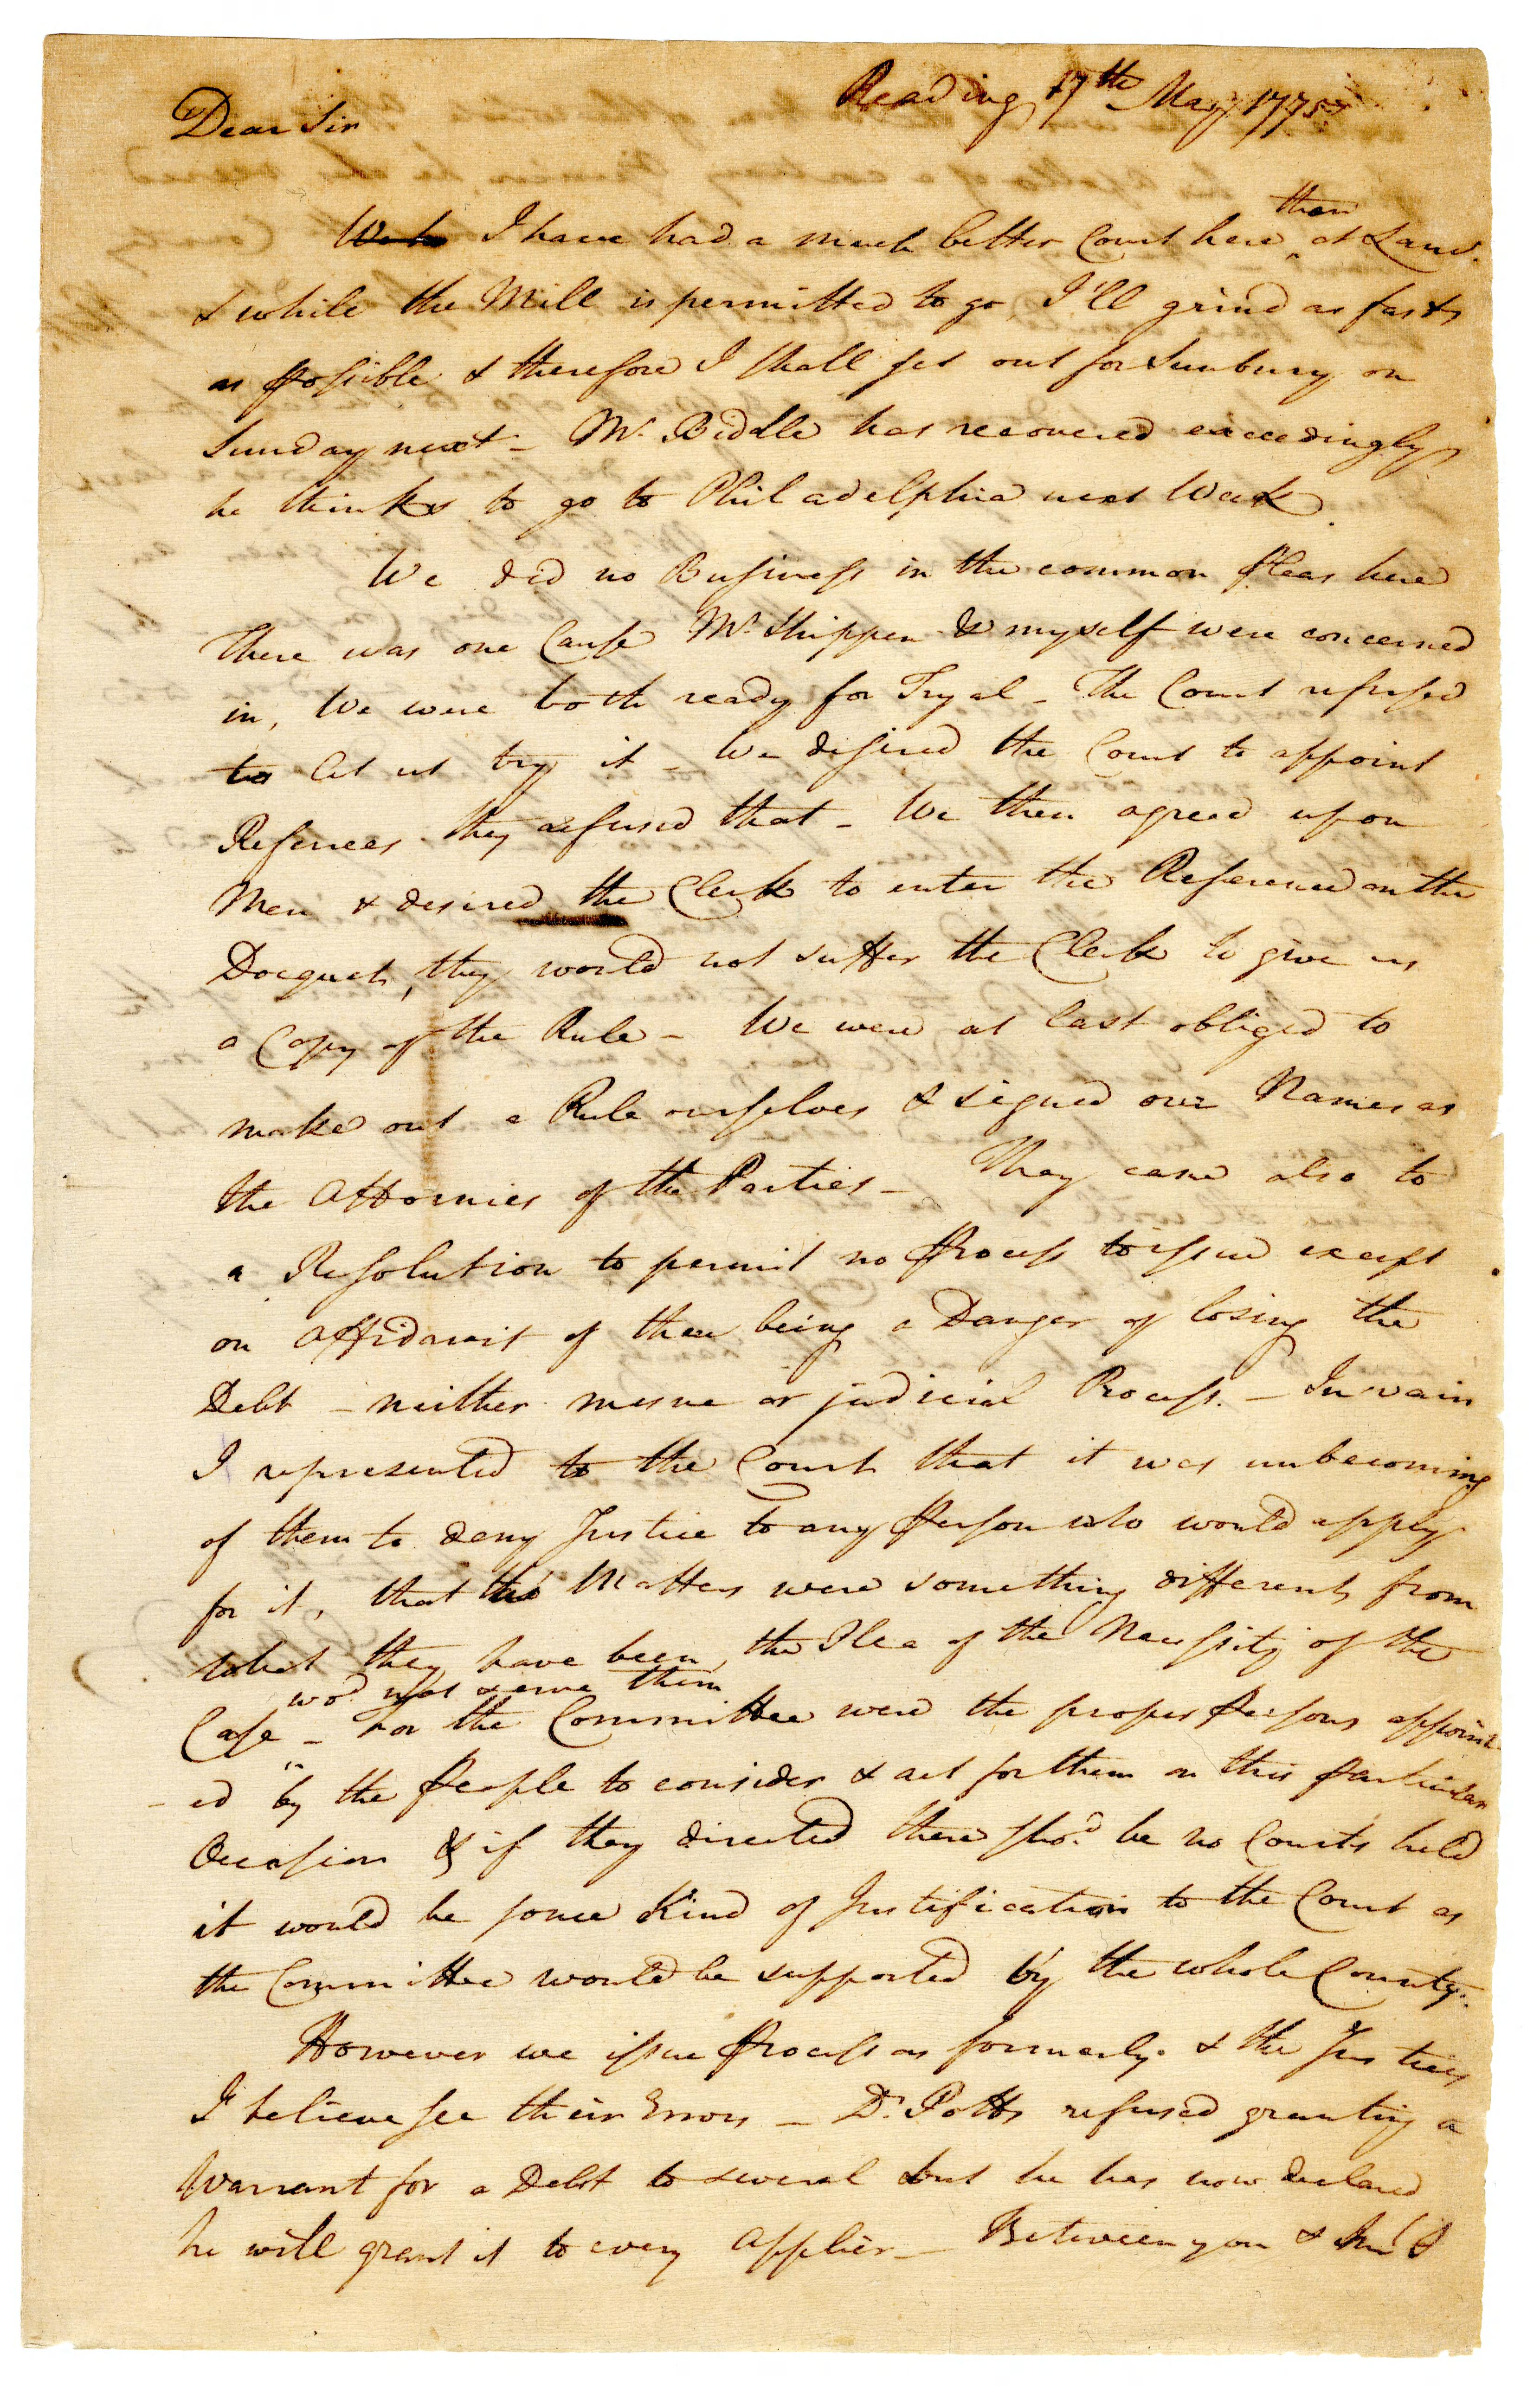Reading 7^th May 1775
Dear Sir
than
[We h] I have had a much better Court here ^ at Land.
& while the Mill is permitted to go, I'll grind as fast
as possible & therefore I shall get out for Sunbury on
Sunday next. M^r. Riddle has recovered exceedingly
he thinks to go to Philadelplia next Week
We did no Business in the common Pleas here
There was one Cause M^r. Shippen & myself were concerned
in, We were both ready for Tryal. The Court refused
to let us try it. We desired the Court to appoint
References they refused that. We then agreed upon
Men & desired the Clerk to enter the Reference on the
Docquet they would not suffer the Clerk to give us
a Copy of the Rule. We were at last obliged to
make out a Rule ourselves & signed our Names as
the Attornies of the Parties. They came also to
a Resolution to permit no Process to issue excess
on affidavit of these being a Danger of losing the
Debt. Neither misue or judicial Process. In vain
I represented to the Court that it was unbecoming
of them to deny Justice to any Person who would apply
for it, that tho' Matters were some thing different from
what they have been, the Plea of the Necessity of the
wo^d not serve them
Case ^ For the Committee were the proper Persons appoint-
-ed by the People to consider & act for them on this Particular
Occasion & if they directed there sho^d be no Courts held
it would be some Kind of Justification to the Court as
the Committee would be supported by the whole County.
However we issue Process as formerly & the Justices
I believe see their Errors. Dr. Potts refused granting a
warrant for a Debt to several but he has now declared
he will grant it to every Applier. Between you & [__]